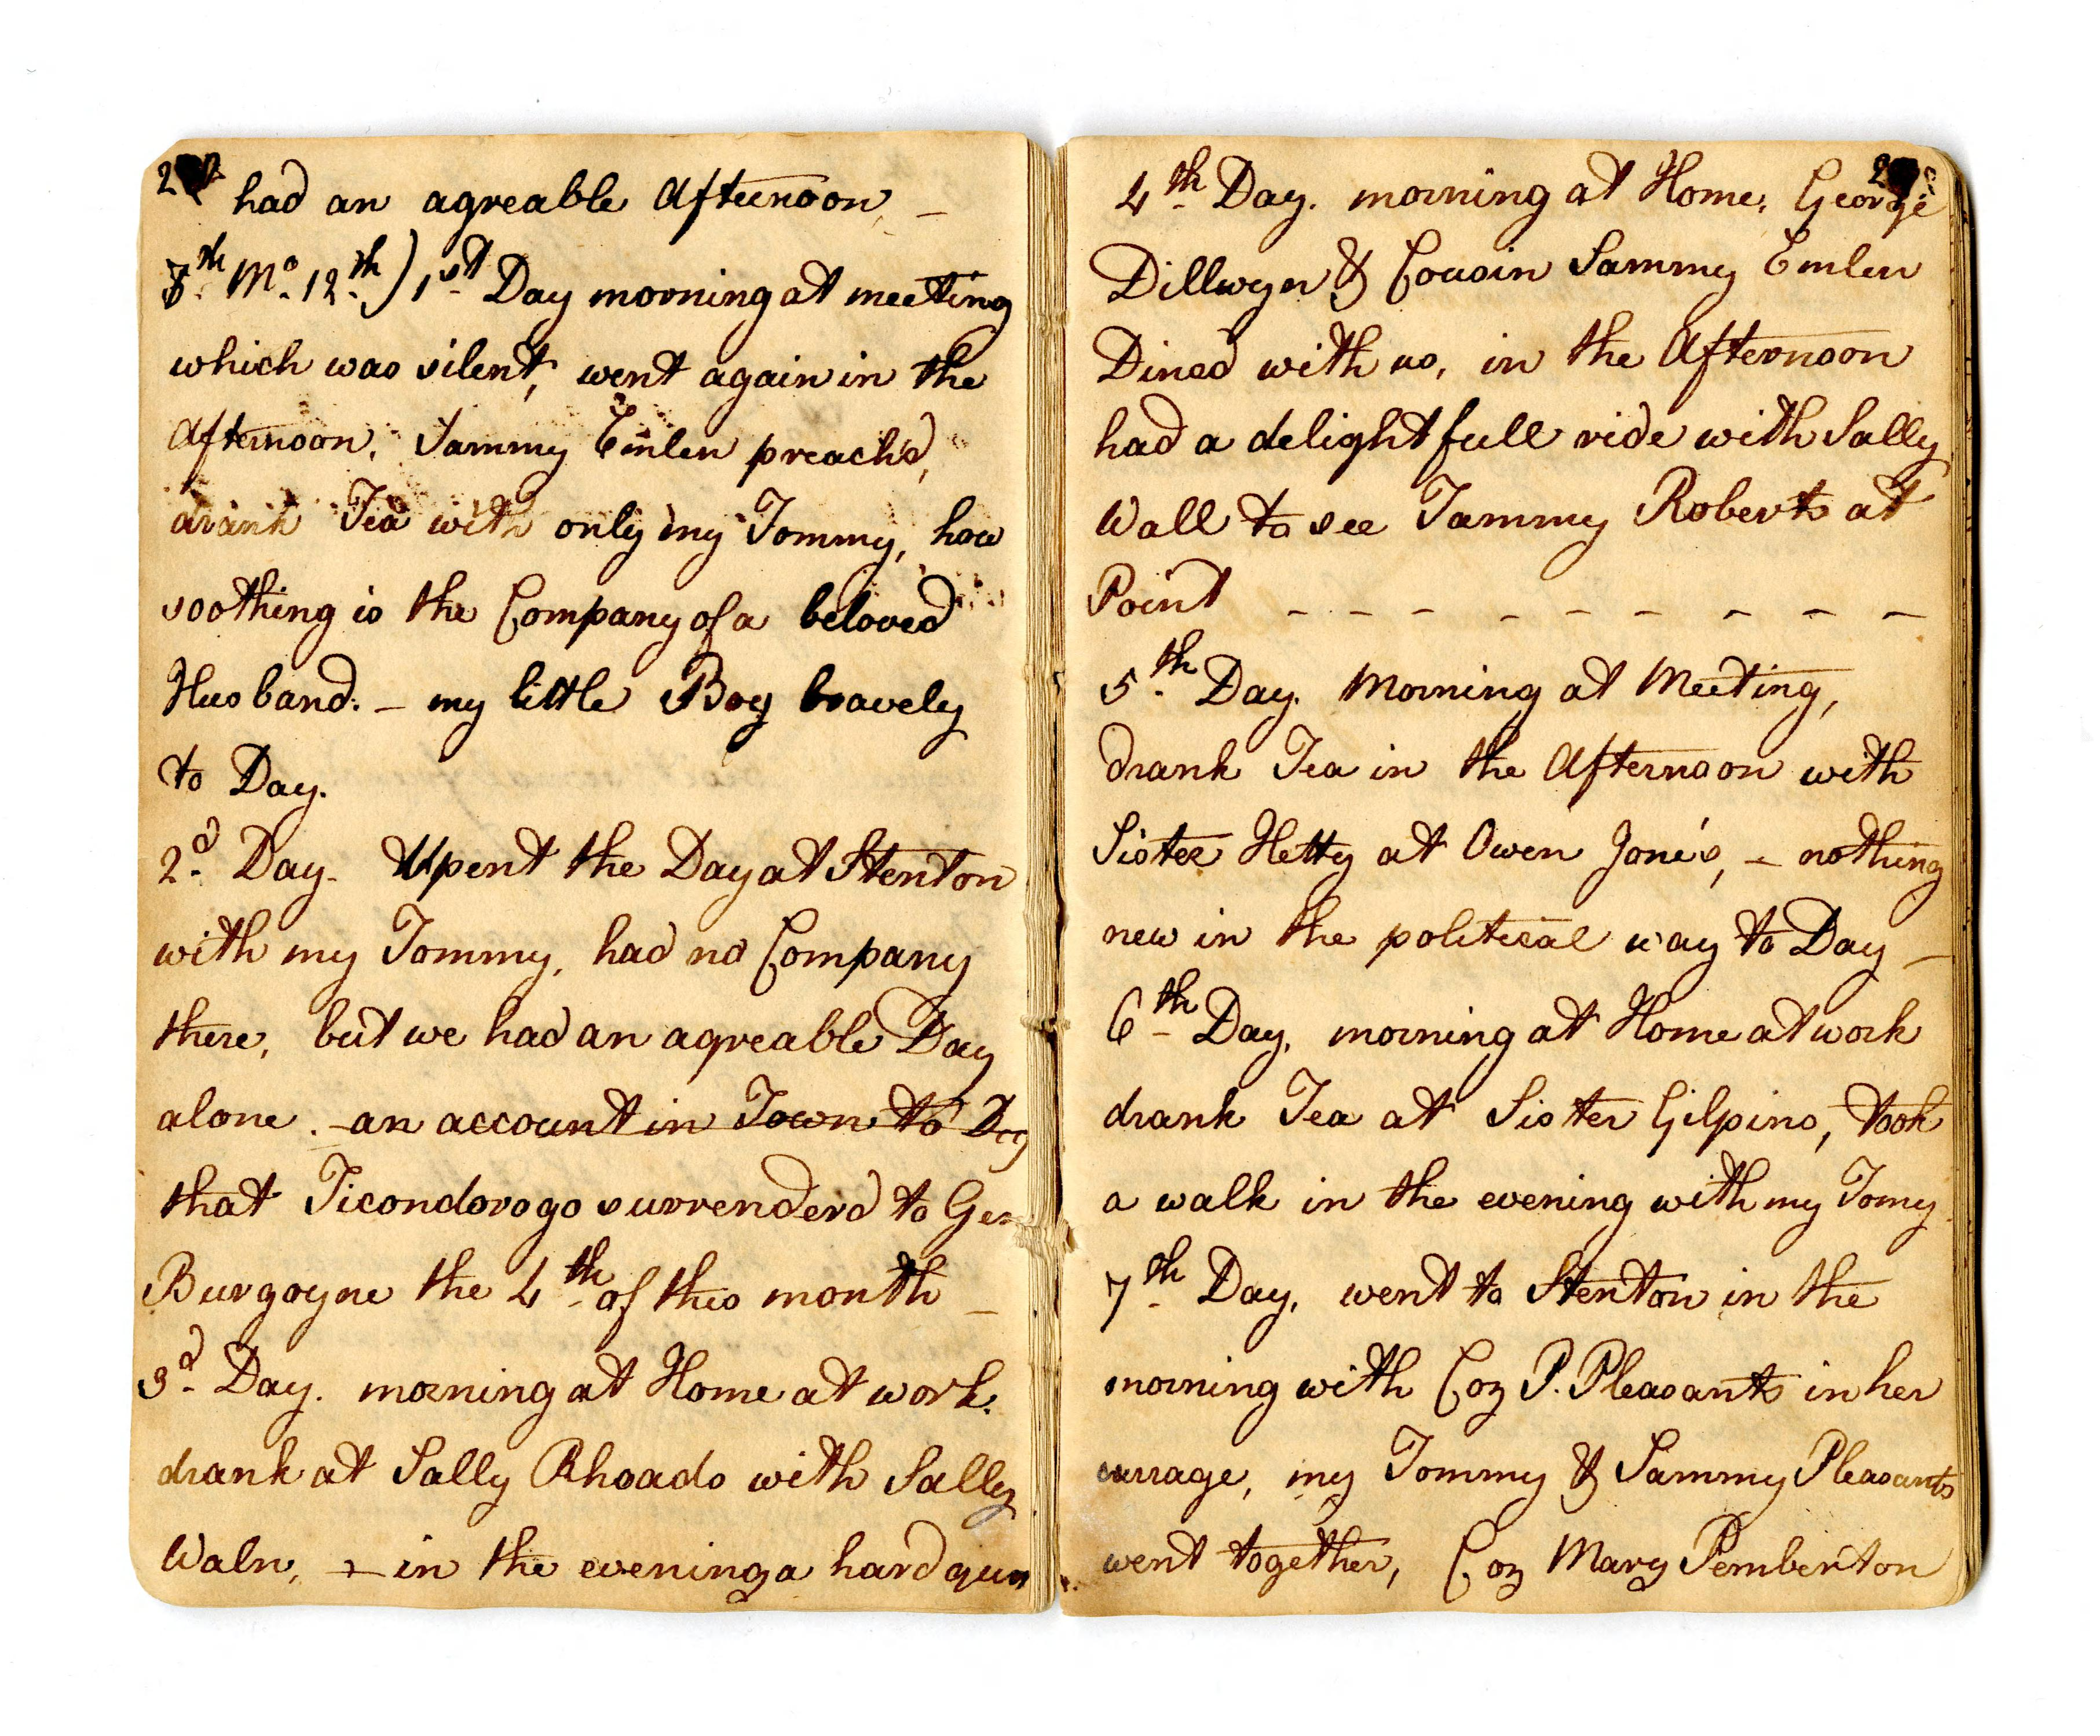had an agreable Afternoon -
7^th M^o 12^th ) 1^st Day morning at meeting
which was silent, went again in the
Afternoon, Sammy Emlen preach'd,
drank Tea with only my Tommy, how
soothing is the Company of a beloved
Husband.- my little Boy bravely
to Day.
2^d. Day. spent the Day at Stenton
with my Tommy, had no Company
there, but we had an agreable Day
alone. an account in Town to Day
that Ticondorogo surrenderd to Gen
Burgoyne the 4^th of this month-
3^d. Day. morning at Home at work.
drank at Sally Rhoads with Sally
Waln,- in the evening a hard qu[_]
4^th Day. morning at Home, George
Dillwyn & Cousin Sammy Emlen
Dined with us, in the Afternoon
had a delightfull ride with Sally
Wall to see Tammy Roberts at
Point---
5^th Day. Morning at Meeting,
drank Tea in the Afternoon with
Sister Hetty at Owen Jone's,- nothing
new in the political way to Day-
6^th Day, morning at Home at work
drank Tea at Sister Gilpins, took
a walk in the evening with my Tomy
7^th Day, went to Stenton in the
morning with Coz P. Pleasants in her
carrage, my Tommy & Sammy Pleasants
went together, Coz Mary Pemberton